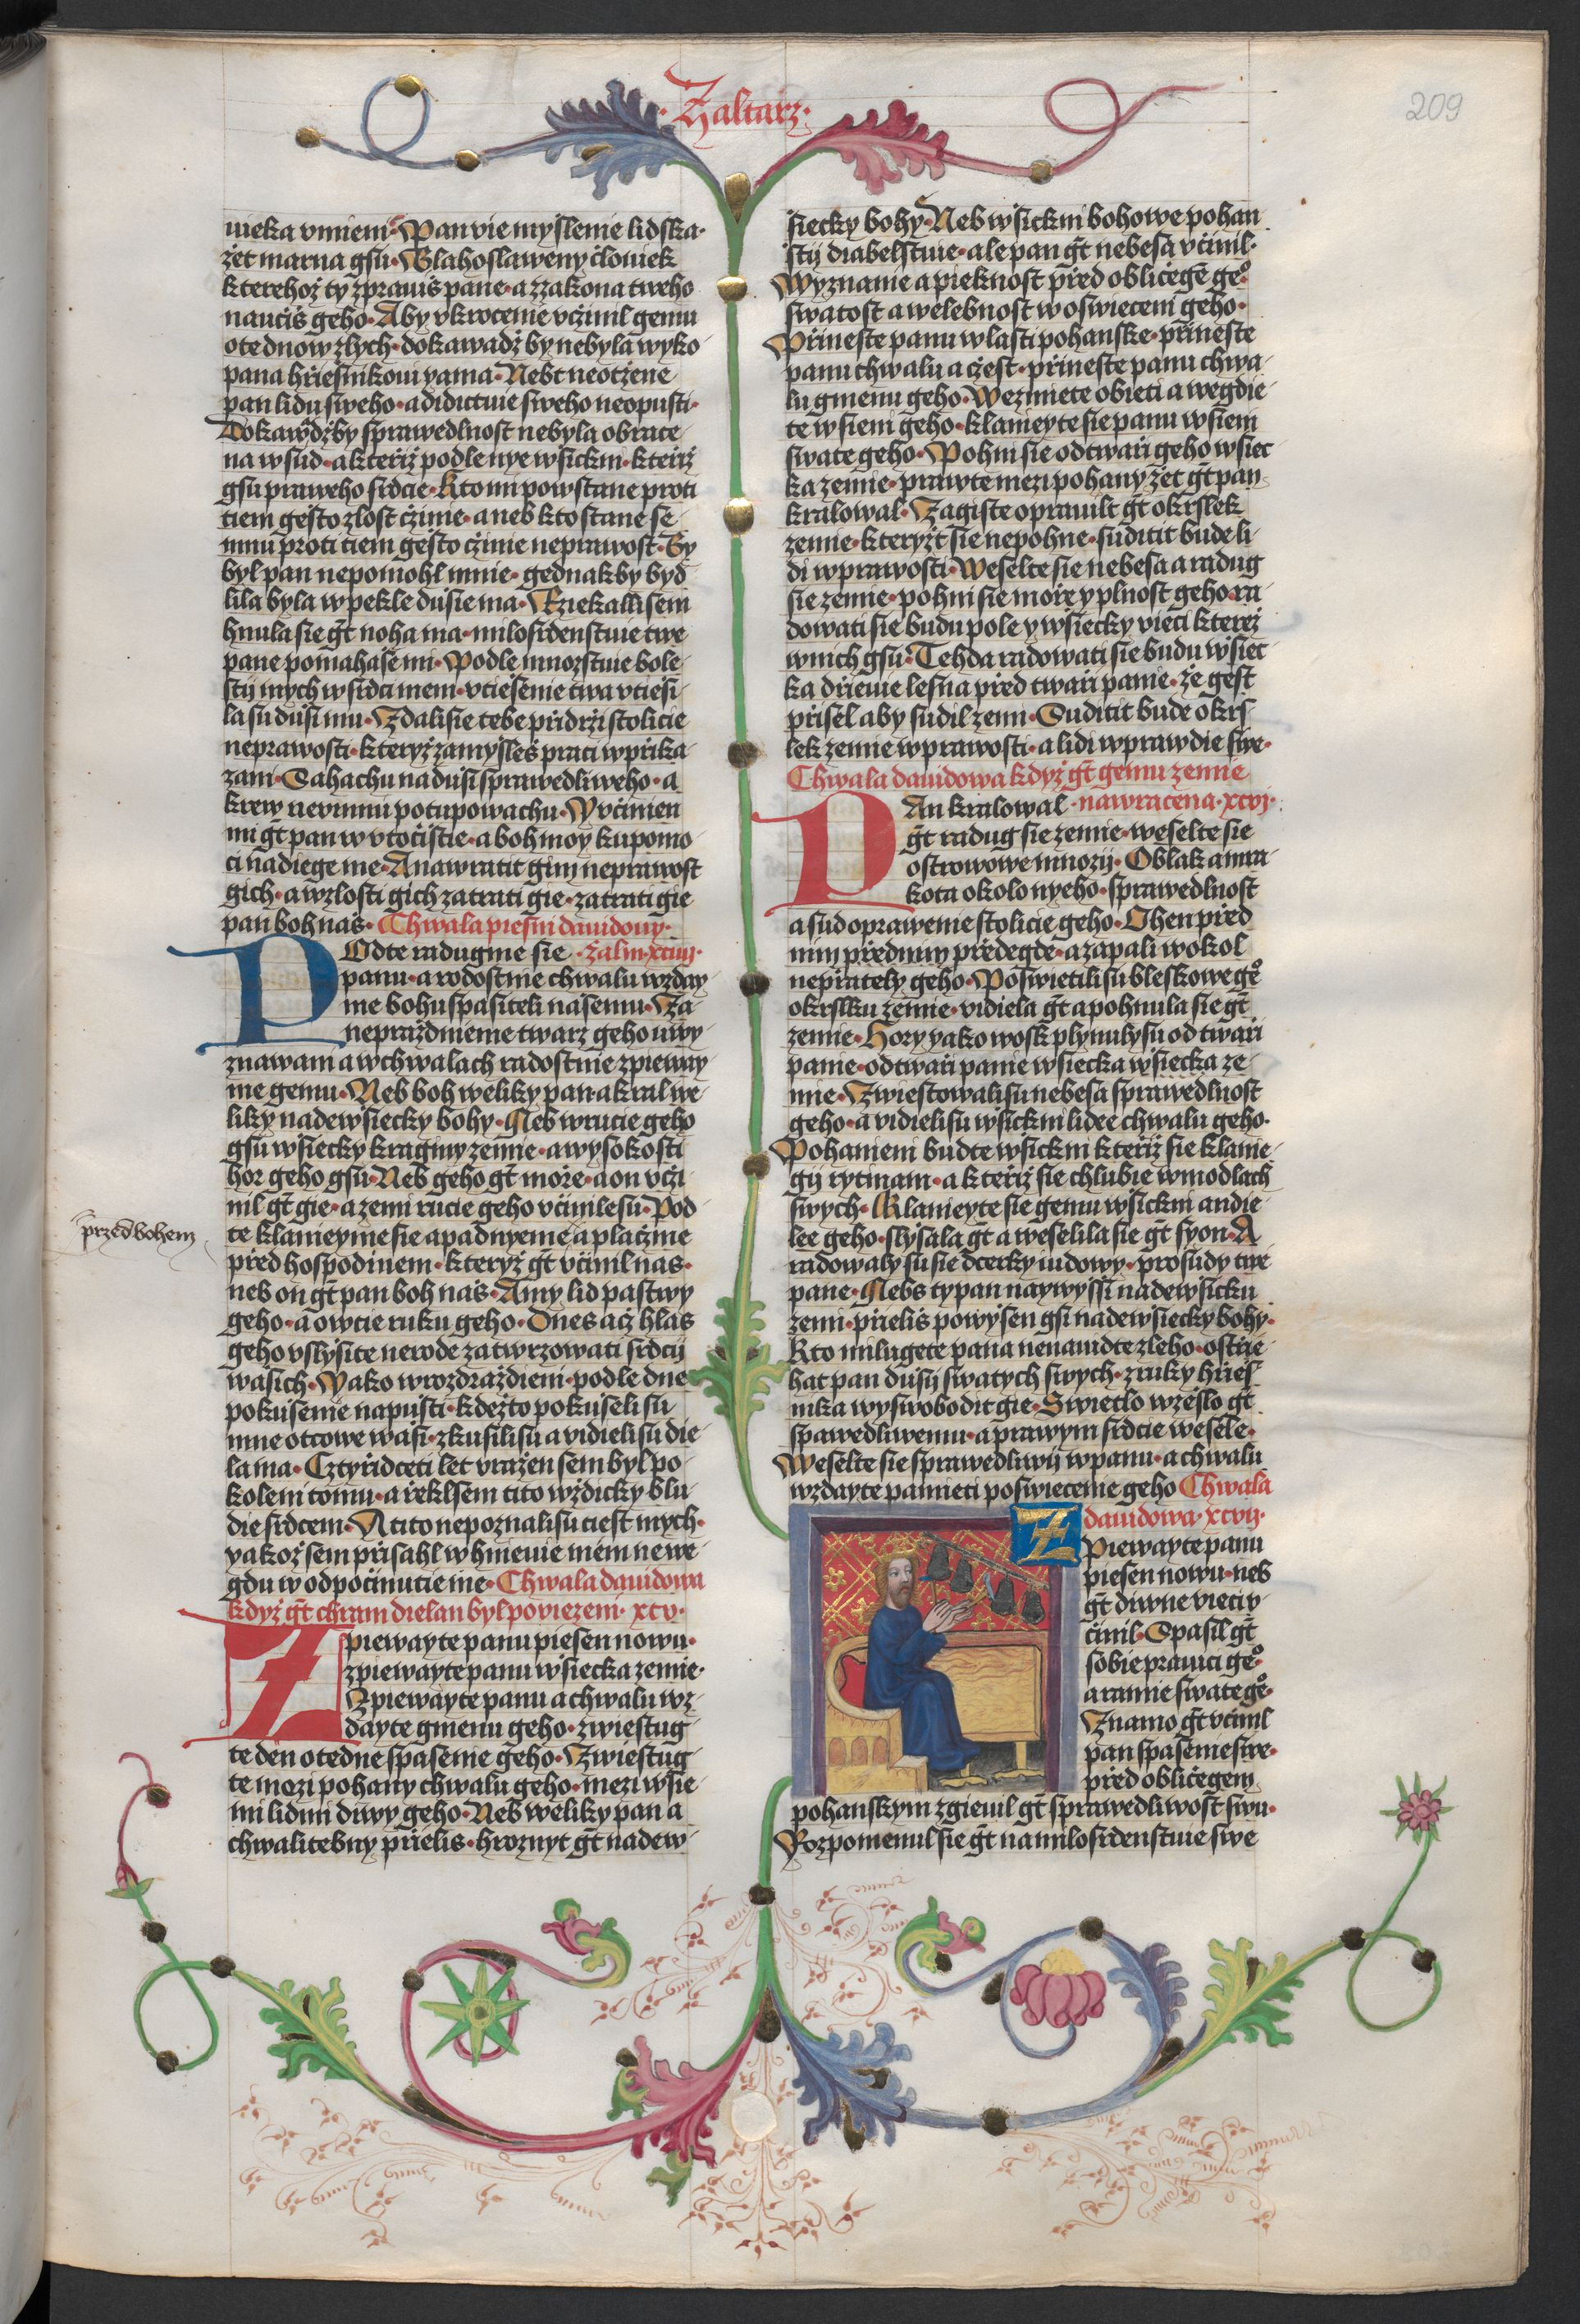.Zaltarz.
uieka vmieni?Pan vie myẛlenie lidſka.
żet marna gſu.Blahoſlaweny ċlouiek
kterehoż ty zprauiṡ pane.a zzakona tweho
nauċiṡ geho.Aby vkrocenie vcżinil gemu
ote dnow zlych.dokawadż by nebyla wyko¬
pana hṙíeẛníkoui yama.Nebt neotżene
pan lidu ſweho.a didictuie ſweho neopuſti.
Dokawadż by ſprawedlnoſt nebyla obrace¬
na w ſud.a kteṙíż podle nye wẛickni.kteṙiż
gſu praweho ſrdcie.Kto mi powſtane proti
tiem geẛto zloſt cżinie.aneb kto ſtane ſe¬
mnu proti tiem geẛto cżinie neprawoſt.By
byl pan nepomohl mnie.gednak by byd¬
lila byla w pekle duẛie ma.Rziekalliſem
hnula ſie ḡt noha ma.miloſrdenſtuíe twe
pane pomahaẛe mi.Podle mnozſtuie bole¬
ſtij mych w ſrdci mem.utieẛenie twa vtieẛi¬
la ſu duẛi mu.Zdaliſie tebe pṙidrżí ſtolicie
neprawoſti.kteryż zamyẛleṡ praci wpṙika¬
zaní.Sahachu na duẛi ſprawedliweho.a
krew nevinnu potupowachu.Y vċinien
mi ḡt pan w vtoċiẛtie.a boh moy kupomo¬
ci nadiege me.A nawratit gim neprawoſt
gich.a wzloſti gich zatrati gie.zatrati gie
pan boh naṡ.Chwala pieſni dauidouy.
Odte radugme ſie.żalm.xciiij.
panu.a rodoſtnie chwalu wzday¬
me bohu ſpaſiteli naẛemu.Za¬
neprażdnieme twarz geho uwy¬
znawam a wchwalach radoſtnie zpieway¬
me gemu.Neb boh weliky pan a kral we¬
liky nadewẛiecky bohy.Neb wrucie geho
gſu wẛiecky kraginy zemie.a wyſokoſti¬
hor geho gſu.Neb geho ḡt moṙe.a on vcżi¬
nil ḡt gie.a zemi rucie geho vċinileſu.Pod¬
te klanieyme ſie apadnyeme a placżme
pṙed hoſpodinem.kteryż ḡt uċinil nas.
neb on ḡt pan boh naṡ.Amy lid paſtwy
geho.a owcie ruku geho.Dnes acż hlas
geho vſlyẛite nerode zatwrzowati ſrdcij
waẛich.Yako wrozdrażdieni.podle dne.
pokuẛenie napuẛti.kdeżto pokuẛeli ſu
mne otcowe waẛi.zkuſiliſu a vidieli ſu die¬
la ma.Cztyṙidceti let vrażen ſem byl po¬
koleni tomu.a ṙeklſem tito wżdicky blu¬
die ſrdcem.A tito nepoznaliſu cieſt mych.
yakoż ſem pṙiſahl whnieuie mem newe¬
gdu w odpoċinutie me.Chwala dauidowa
kdyż ḡt chram dielan byl poviezeni.xcv.
ſpiewayte panu pieſen nowu.
zpiewayte panu wẛiecka zemie.
Zpiewayte panu a chwalu wz¬
dayte gmenu geho.zwieſtug¬
te den otedne ſpaſenie geho.Zwieſtug¬
te mezi pohany chwalu geho.mezi wẛie¬
mi lidmi diwy geho.Neb weliky pan a
chwalitebny pṙieliṡ.hroznyt ḡt nadew¬
ẛiecky bohy.Neb wẛickni bohowe pohan¬
ẛtij diabelſtuie.ale pan ḡt nebeſa vċinil.
Wyznanie a pieknoſt pṙed obliċegē geo.
ſwatoſt a welebnoſt w oſwieceni geho.
Pṙineſte panu wlaſti pohanſke.pṙineſte
panu chwalu a cżeſt.pṙineſte panu chwa¬
lu gmenu geho.Wezmiete obieti a wegdie¬
te wſiem geho.klanieyte ſie panu wſieni
ſwate geho.Pohni ſie odtwaṙi geho wſiec¬
ka zemie.prawte mezi pohany żet ḡt pan
kralowal.Zagiſte oprauilt ḡt okrſlek
zemie.kteryżt ſie nepohne.ſuditit bude li¬
di wprawoſti.Weſelte ſie nebeſa a radug
ſie zemie.pohni ſie moṙe y plnoſt geho.ra¬
dowati ſie budu pole y wẛiecky vieci ktereż
wnich gſu.Tehda radowati ſie budu wẛiec¬
ka dṙieuie leſna pṙed twaṙi panie.że geſt
pṙiſel aby ſudil zemi.Suditit bude okrſ¬
lek zemie wprawoſti.a lidi wprawdie ſwe.
Chwala dauidowa kdyż ḡt gemu zemie
An kralowal.nawracena.xcvj.
ḡt radug ſie zemie.weſelte ſie
oſtrowowe mnozij.Oblak a mra¬
kota okolo nyeho.ſprawedlnoſt
a ſud oprawenie ſtolicie geho.Ohen pṙed
ním pṙedním pṙedegde.a zapali wokol
nepṙately geho.Poſwietili ſu bleſkowe geo
okrſlku zemie.vidiela ḡt a pohnula ſie ḡt
zemie.Hory yako woſk plynulyſu od twaṙi
panie.odtwaṙi panie wſiecka wẛiecka ze¬
mie.Zwieſtowaliſu nebeſa ſprawedlnoſt
geho.a vidieliſu wẛickni lidee chwalu geho.
Pohanieni budte wẛickni kteṙiż ſie klanie¬
gij rytinam.a kteṙiż ſie chlubie wmodlach
ſwych.Klanieyte ſie gemu wẛickni andie¬
lee geho.ſlyẛala ḡt a weſelila ſie ḡt ſyon.A
radowaly ſu ſie dcerky iudowy.proſudy twé
pane.Nebs ty pan naywyẛẛi nadewẛicku
zemi.pṙieliṡ powyẛen gſi nadewẛiecky bohy.
Kto milugete pana nenauidte zleho.oſtṙie¬
hat pan duẛij ſwatych ſwych.zruky hṙieẛ¬
nika wyſwobodit gie.Swietlo wzeẛlo ḡt
ſpawedliwemu.a prawym ſrdcie weſele.
Weſelte ſie ſprawedliwij wpanu.a chwalu
wzdayte pamieti poſwiecenie geho.Chwala
davidowa.xcvij.
Piewayte panu
pieſen nowu.neb
ḡt diwne vieci v¬
ċinil.Spaſil ḡt
ſobie prauici geo
a ramie ſwate ge°
Znamo ḡt vċinil
pan ſpaſenie ſwe.
pṙed obliċegem
pohanſkym zgieuil ḡt ſprawedliwoſt ſwu.
Rozpomenul ſie ḡt na miloſrdenſtuie ſwe